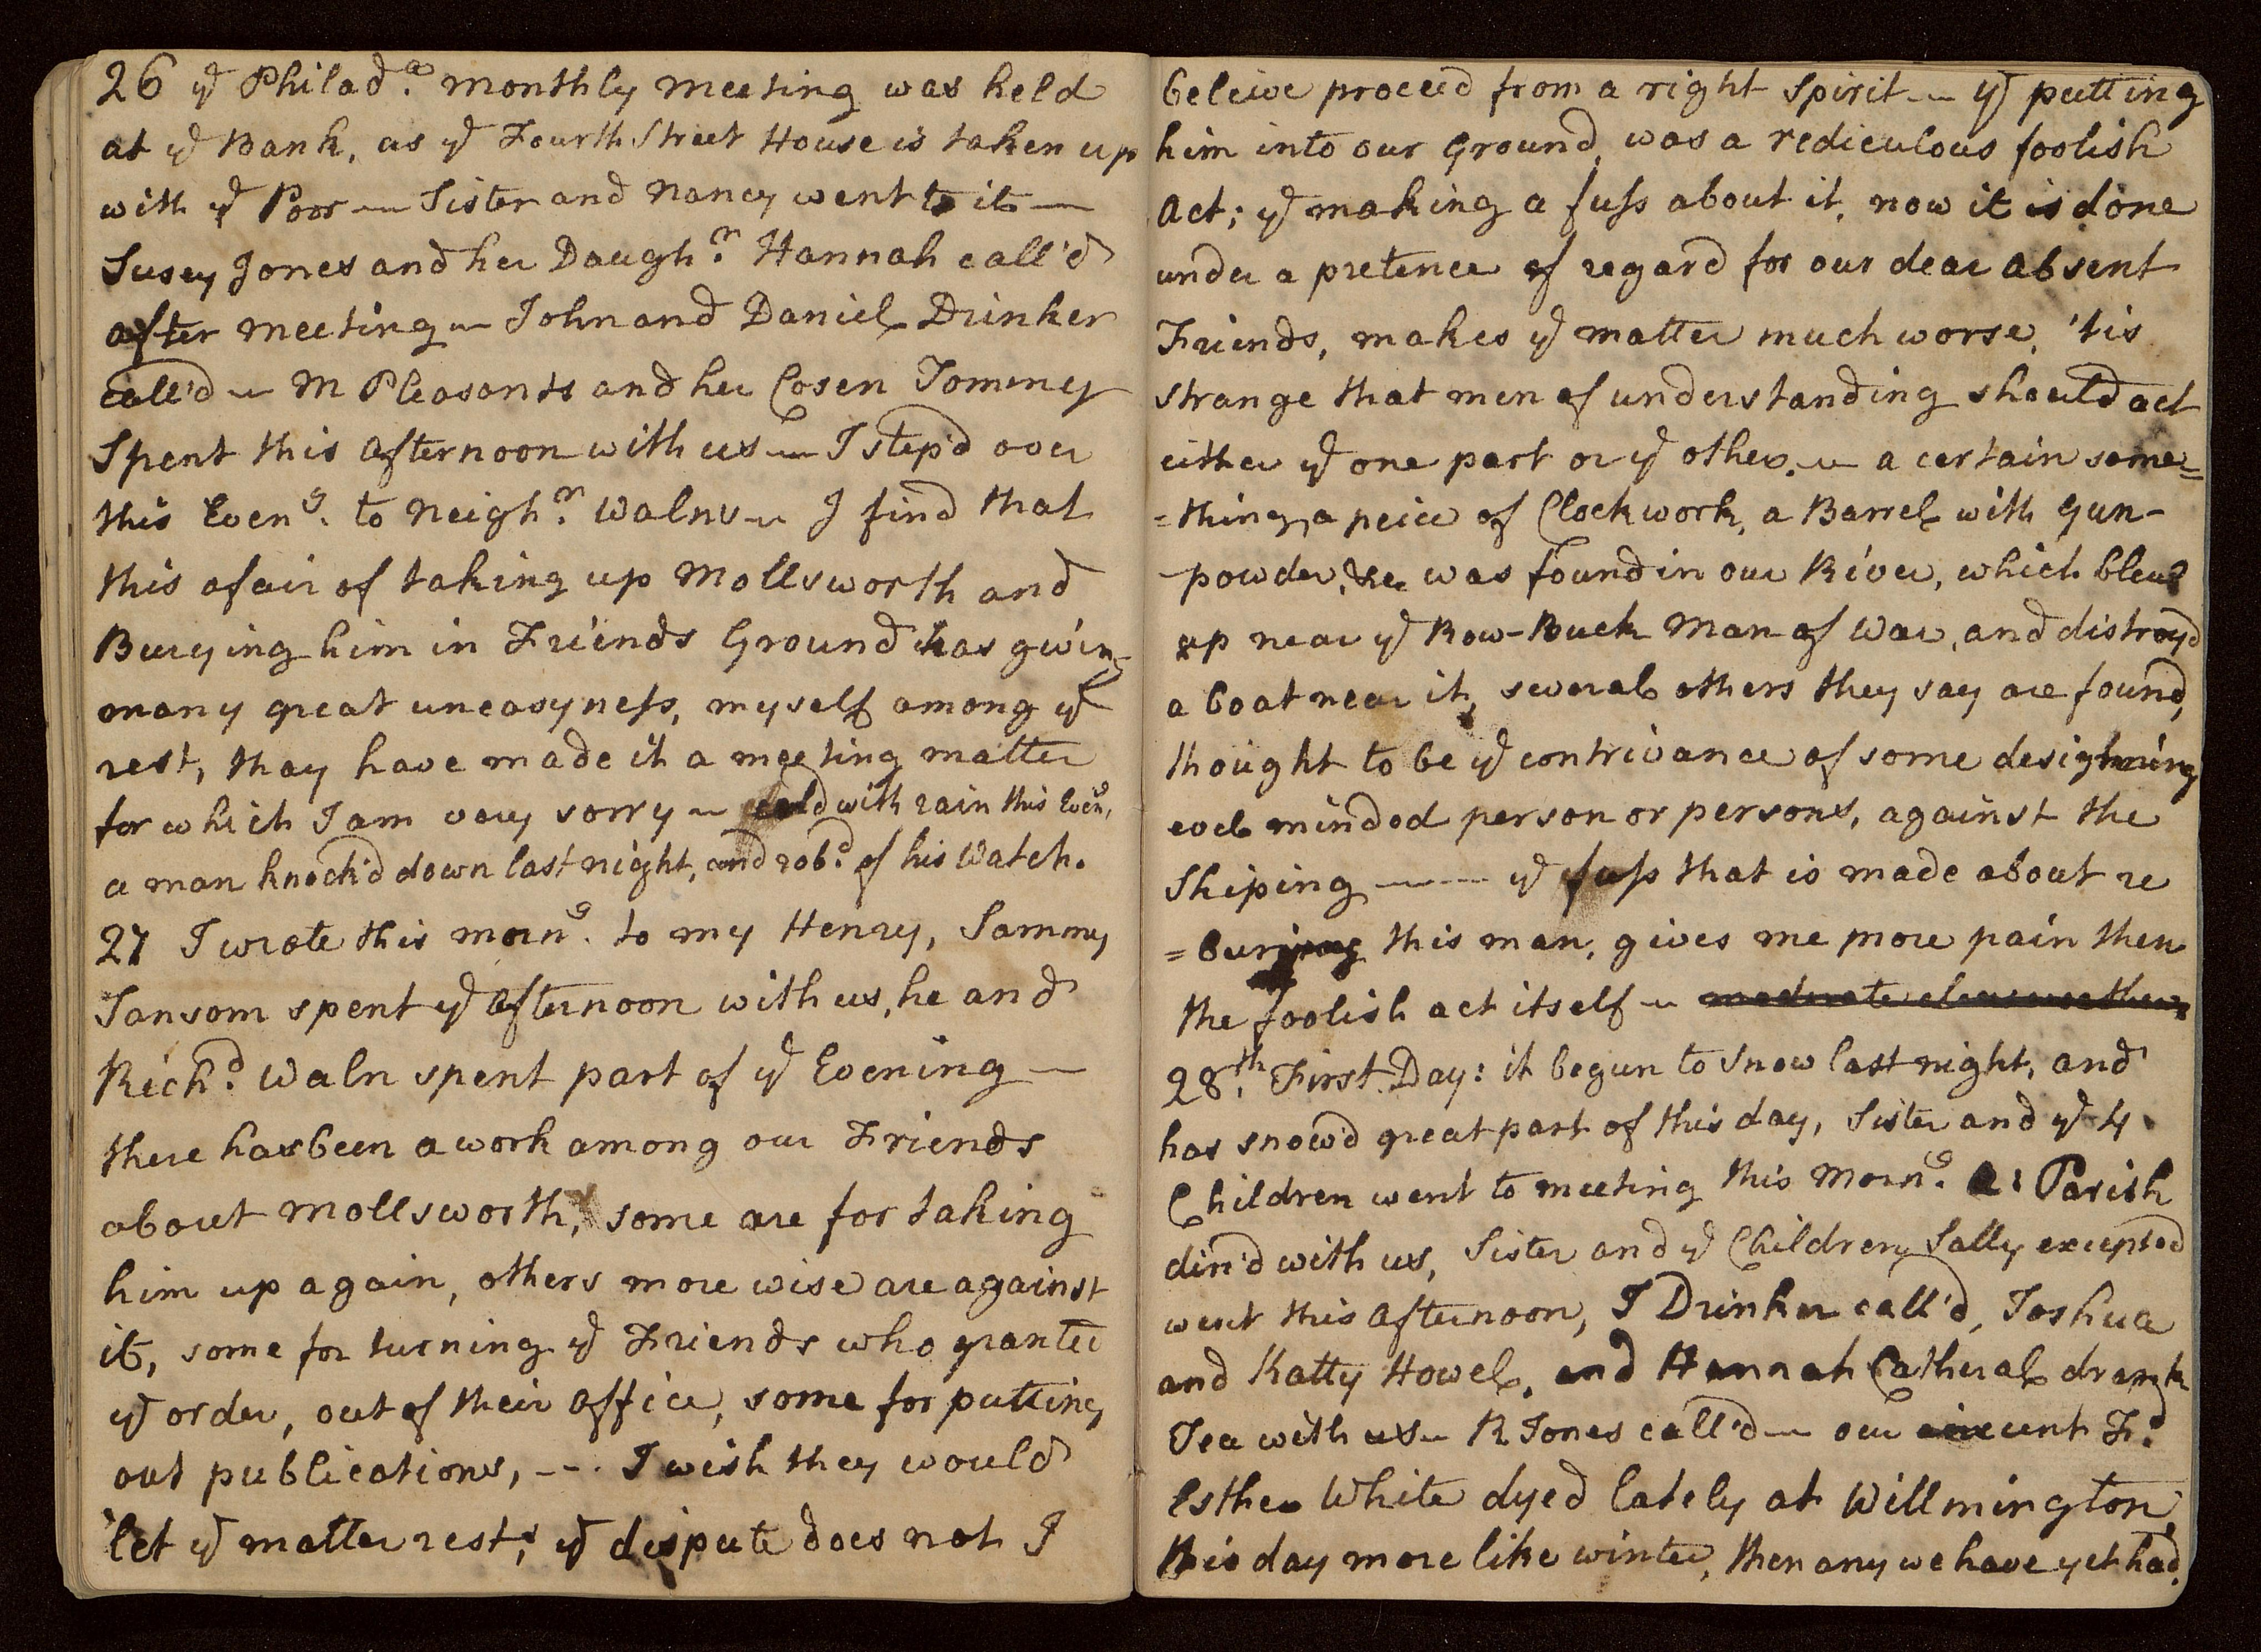26 y^e Philad^a. Monthly Meeting was held
at y^e Bank, as y^e Fourth Street House is taken up
with y^e Poor- Sister and Nancy went to it-
Susey Jones and her Daugh^r. Hannah call'd
after meeting- John and Daniel Drinker
call'd - M Pleasants and her Cosen Tommy
Spent this Afternoon with us- I step'd over
this Even^g. to Neigh^r. Walns- I find that
this a fair of taking up Mollsworth and,
Burying him in Friends Ground has giving
many great uneasyness, myself among y^e
rest, thay have made it a meeting matter
for which I am very sorry - cold with rain this Even^g,
a man knock'd down last night, and rob^d. of his Watch.
27 I wrote this morn^g. to my Henry, Sammy
Sansom spent y^e Afternoon with us, he and
Rich^d. Waln spent part of y^e Evening-
there has been a work among our Friends
about Mollsworth, some are for taking
him up again, others more wise are against
it, some for turning y^e Friends who granted
y^e order, out of their office, some for putting
out publications,-- I wish they would
let y^e matter rest; y^e dispute does not I
beleive proceed from a right Spirit- y^e putting
him into our Ground was a rediculous foolish
Act; y^e making a fuss about it, now it is done
under a pretence of regard for our dear absent
Friends, makes y^e matter much worse, 'tis
strange that men of understanding should act
either y^e one part or y^e other,- a certain some-
-thing a peice of Clockwork, a Barrel with Gun-
-powder, &c was found in our River, which blew
up near y^e Row-Buck Man of War, and distroyd
a boat near it, several others they say are found,
thought to be y^e contrivance of some desigtning
evil minded person or persons, against the
Shiping-- y^e fuss that is made about re
-burying this man, gives me more pain then
the foolish act itself- [__________________________]
28^th. First Day: it begun to Snow last night, and
has snow'd great part of this day, Sister and y^e 4
Children went to meeting this Morn^g. A: Parish
din'd with us, Sister and y^e Children Sally excepted
went this Afternoon, I Drinker call'd, Joshua,
and Katty Howel, and Hannah Catheral drank
Tea with us- R. Jones call'd- our ancient F^d.
Esther White dyed lately at Willmington
this day more like winter, then any we have yet had